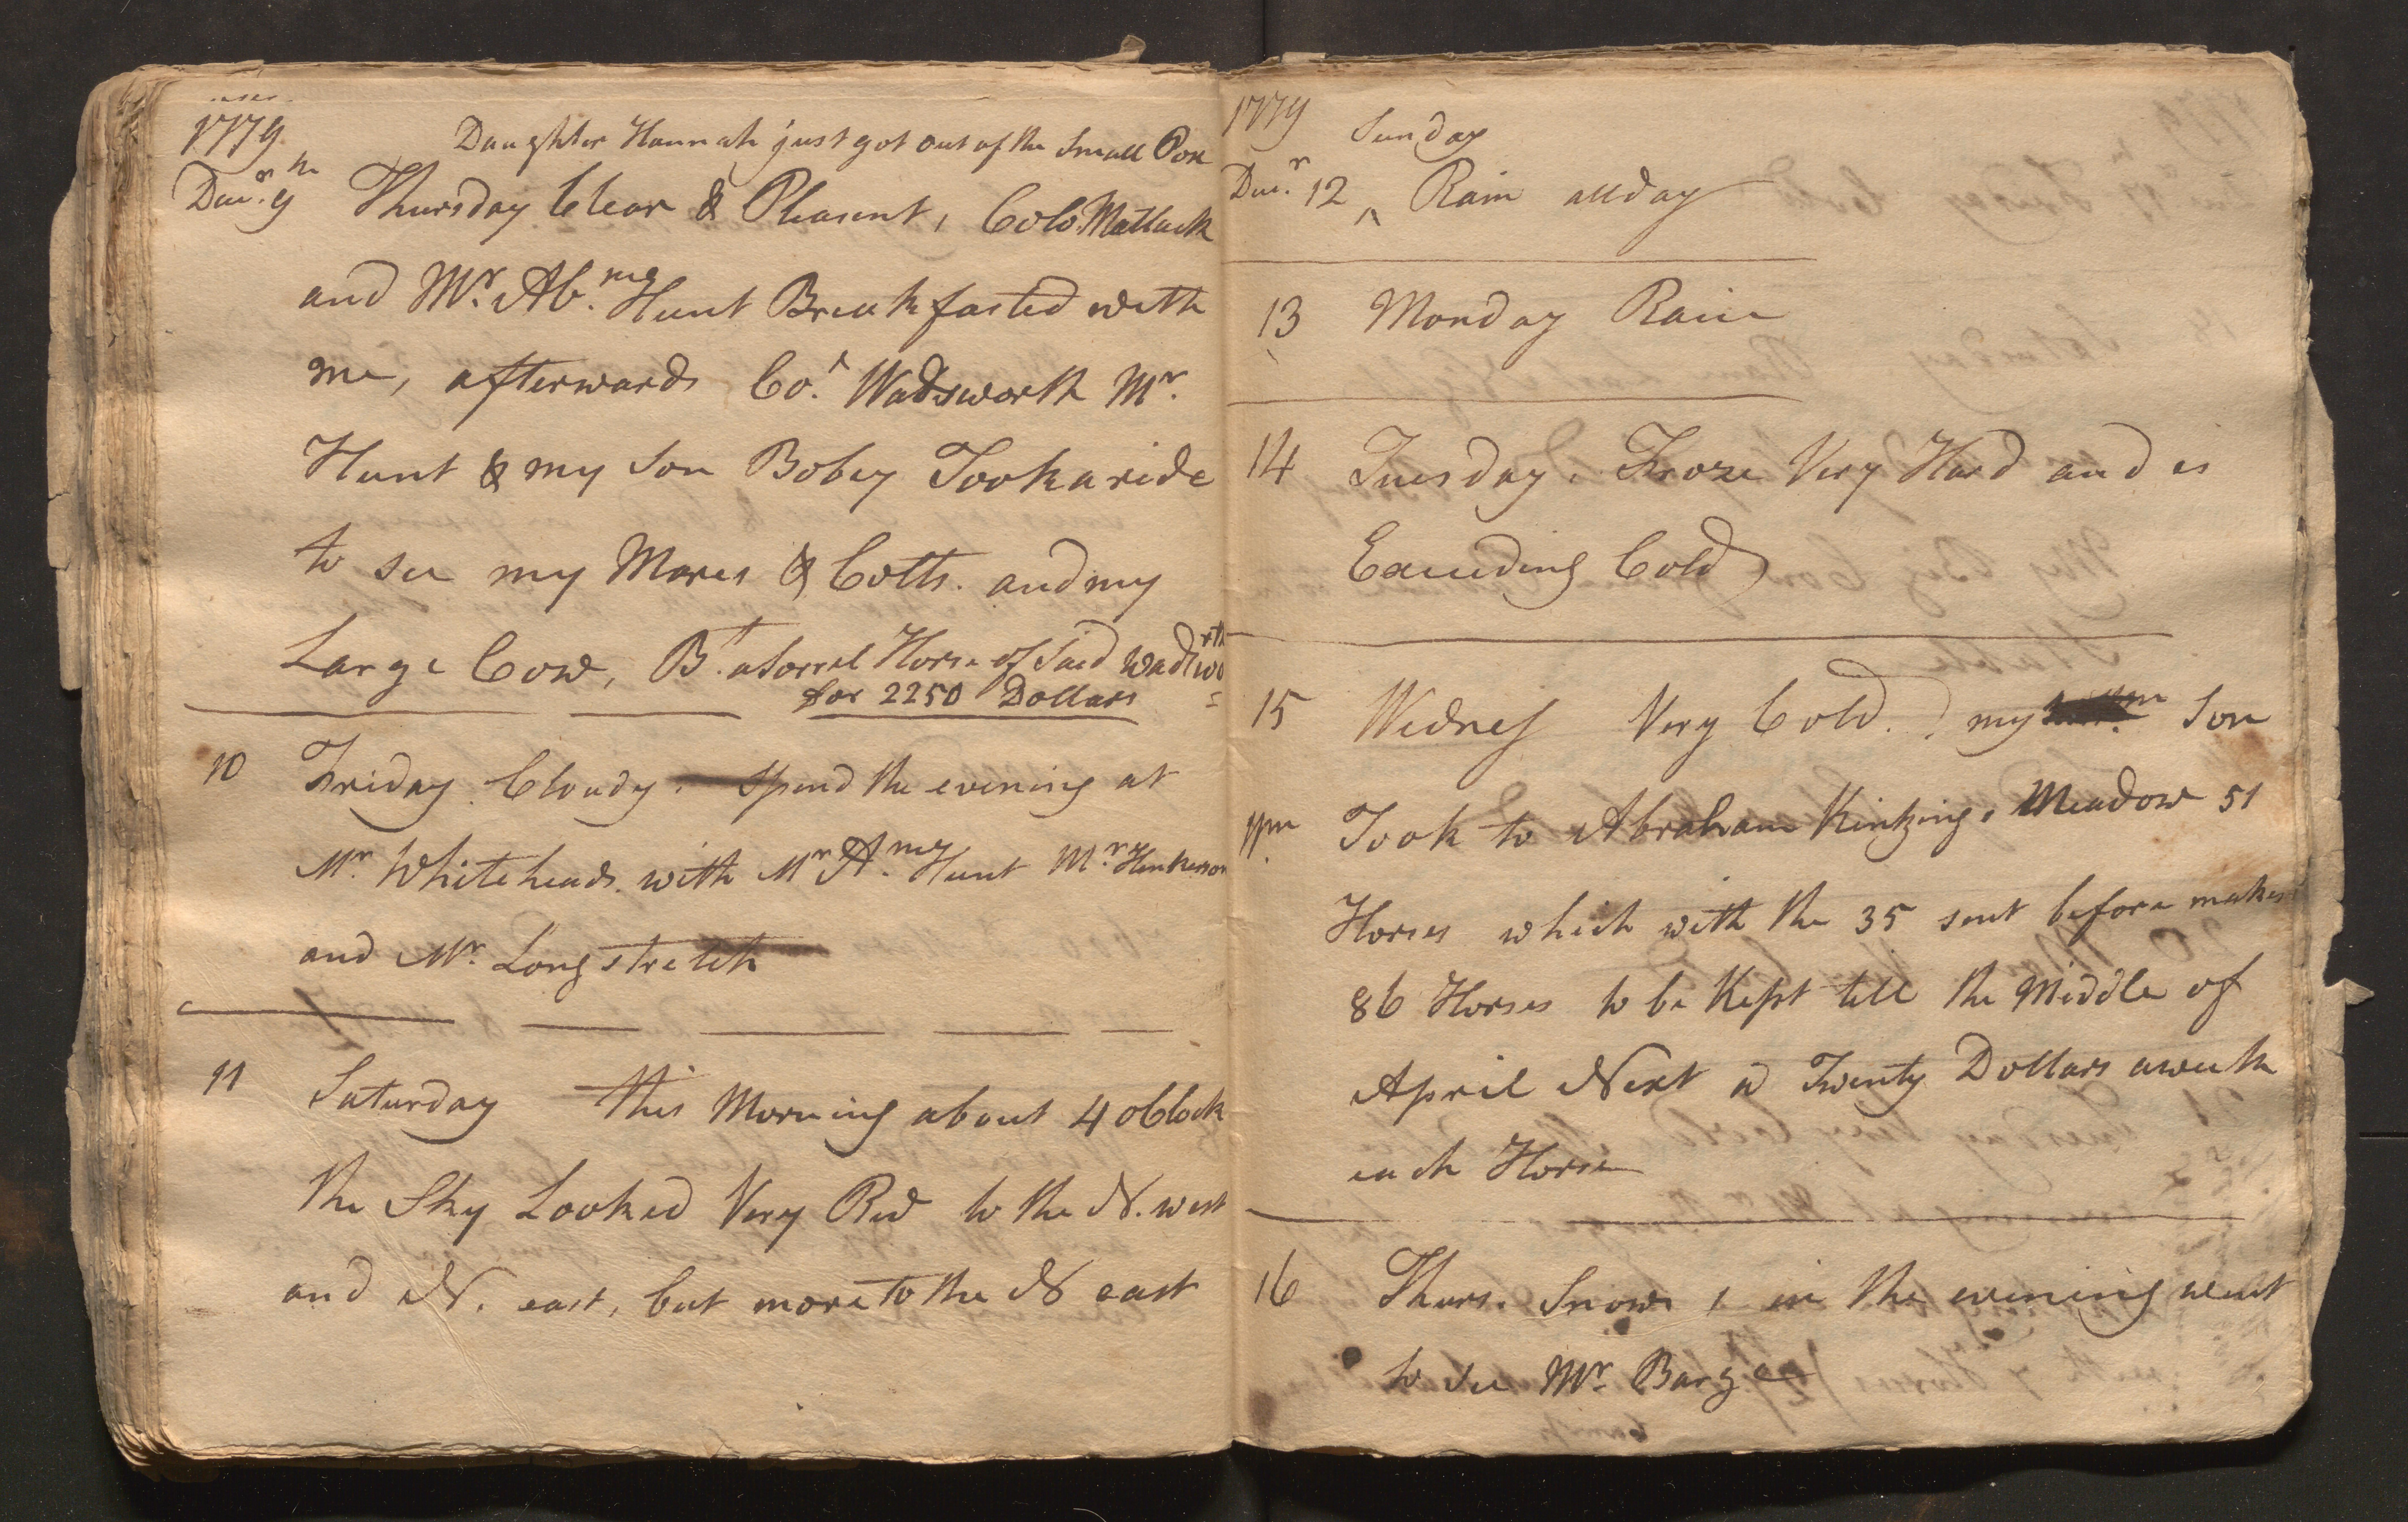1779
Daughter Hannah just got out of the small Pox
Dec^r. 9^th Thursday Clear & Pleasent, Colo. Matlack
and M^r. Ab^m. Hunt Breakfasted with
me, afterwards Co^l. Wadsworth M^r.
Hunt & my son Bobey Took a ride
to see my Mares & Colts and my
Large Cow, B^t a sorrel Horse of Said Wadwo^rth
for 2250 Dollars
10 Friday Cloudy. spend the evening at
M^r. Whiteheads with M^r A^m. Hunt M^r. Henkeson
and M^r. Longstretch
11 Saturday this Morning about 4 oClock
The Sky Looked Very Red to the N. west
and N. east, but more to the N east
1779
Sunday
Dec^r. 12 ^ Rain all day
13 Monday Rain
14 Tuesday. Froze Very Hard and is
Exceeding Cold
15 Wednes Very Cold. my [____] Son
W^m. Took to Abraham Kintzings Meadow 51
Horses which with the 35 sent before makes
86 Horses to be kept till the Middle of
April Next @ Twenty Dollars a week
each Horse
16 Thurs Snow & in the evening went
to see M^r. Barge